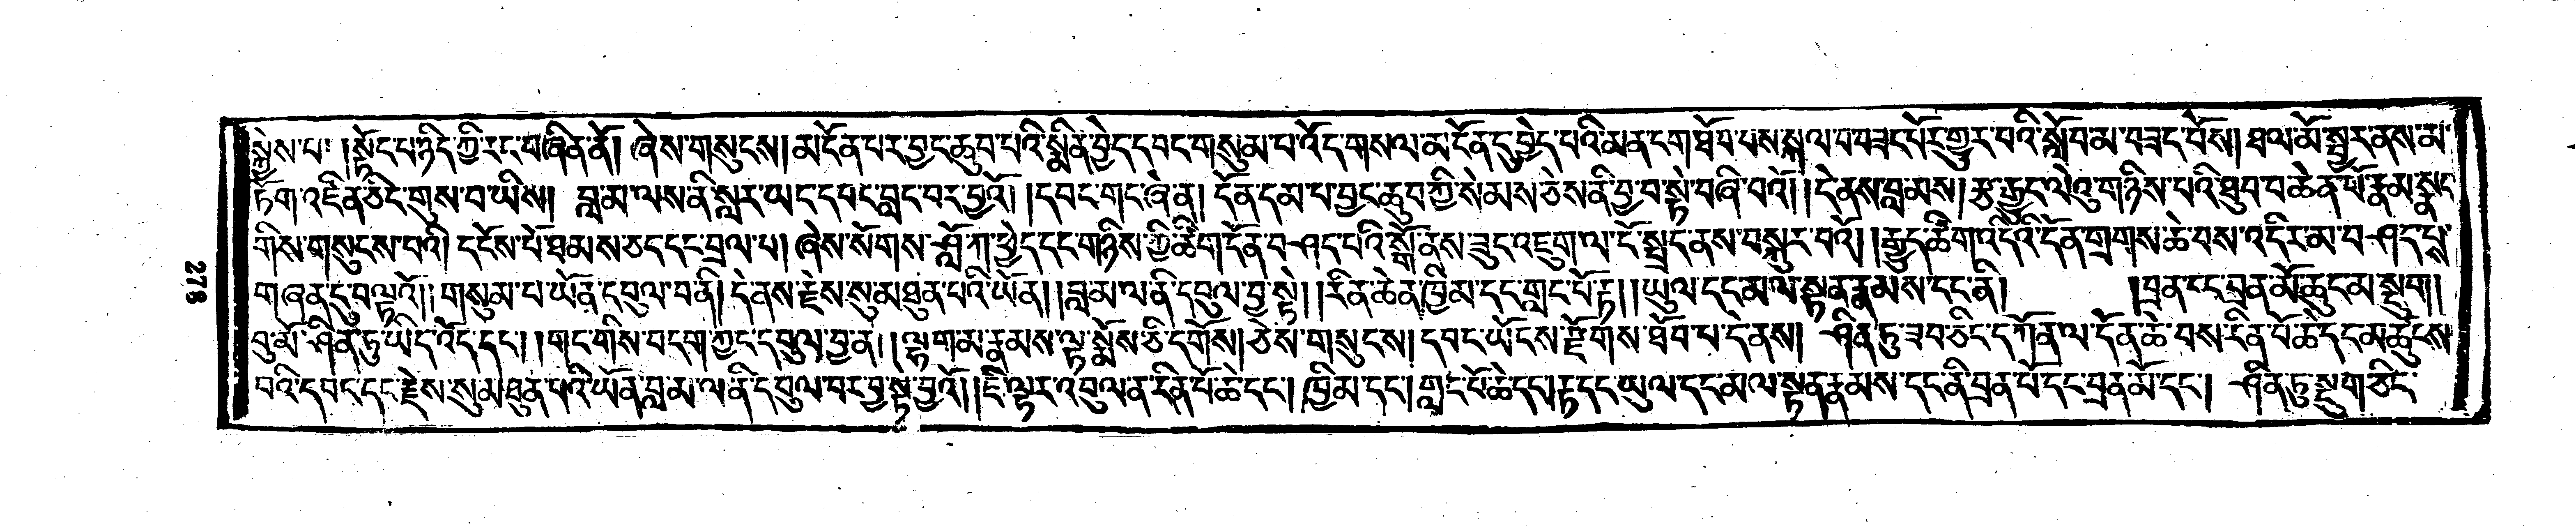སྐྱེས་པ། །སྟོང་པ་ཉིད་ཀྱི་རང་བཞིན་ནོ། ཞེས་གསུངས། མངོན་པར་བྱང་ཆུབ་པའི་སྨིན་བྱེད་དབང་གསུམ་པ་འོད་གསལ་མངོན་དུ་བྱེད་པའི་མན་ངག་ཐོབ་པས་སྐལ་བ་བཟང་པོར་གྱུར་པའི་སློབ་མ་བཟང་པོས། ཐལ་མོ་སྦྱར་ནས་མེ་
ཏོག་འཛིན་ཅིང་གུས་པ་ཡིས། བླ་མ་ལས་ནི་སླར་ཡང་དབང་བླང་བར་བྱའོ། །དབང་གང་ཞེ་ན། དོན་དམ་པ་བྱང་ཆུབ་ཀྱི་སེམས་ཅེས་ནི་བྱ་བ་སྟེ་བཞི་པའོ། །དེ་ནས་བླ་མས། རྩ་རྒྱུད་ལེའུ་གཉིས་པའི་ཐུབ་པ་ཆེན་པོ་རྣམ་སྣང་
གིས་གསུངས་པའི། དངོས་པོ་ཐམས་ཅད་དང་བྲལ་བ། ཞེས་སོགས་ཤློ་ཀ་ཕྱེད་དང་གཉིས་ཀྱི་ཚིག་དོན་བཤད་པའི་སྒོ་ནས་ཟུང་འཇུག་ལ་ངོ་སྤྲད་ནས་བསྐུར་བའོ། །རྒྱུད་ཚིག་འདིའི་དོན་གྲགས་ཆེ་བས་འདིར་མ་བཤད་པས་
གཞན་དུ་བལྟའོ། །གསུམ་པ་ཡོན་དབུལ་བ་ནི། དེ་ནས་རྗེས་སུ་མཐུན་པའི་ཡོན། །བླ་མ་ལ་ནི་དབུལ་བྱ་སྟེ། །རིན་ཆེན་ཁྱིམ་དང་གླང་པོ་རྟ། །ཡུལ་དང་མལ་སྟན་རྣམས་དང་ནི། །བྲན་དང་བྲན་མོ་ཆུང་མ་སྡུག །
བུ་མོ་ཤིན་ཏུ་ཡིད་འོད་དང་། །གང་གིས་བདག་ཀྱང་དབུལ་བྱ་ན། །ལྷག་མ་རྣམས་ལྟ་སྨོས་ཅི་དགོས། ཅེས་གསུངས། དབང་ཡོངས་རྫོགས་ཐོབ་པ་དེ་ནས། ཤིན་ཏུ་ཟབ་ཅིང་དཀོན་ལ་དོན་ཆེ་བས་རིན་པོ་ཆེ་དང་མཚུངས་
པའི་དབང་དང་རྗེས་སུ་མཐུན་པའི་ཡོན་བླ་མ་ལ་ནི་དབུལ་བར་བྱ་སྟེ་བྱའོ། །ཇི་ལྟར་འབུལ་ན་རིན་པོ་ཆེ་དང་། ཁྱིམ་དང་། གླང་པོ་ཆེ་དང་། རྟ་དང་ཡུལ་དང་མལ་སྟན་རྣམས་དང་ནི་བྲན་པོ་དང་བྲན་མོ་དང་། ཤིན་ཏུ་སྡུག་ཅིང་